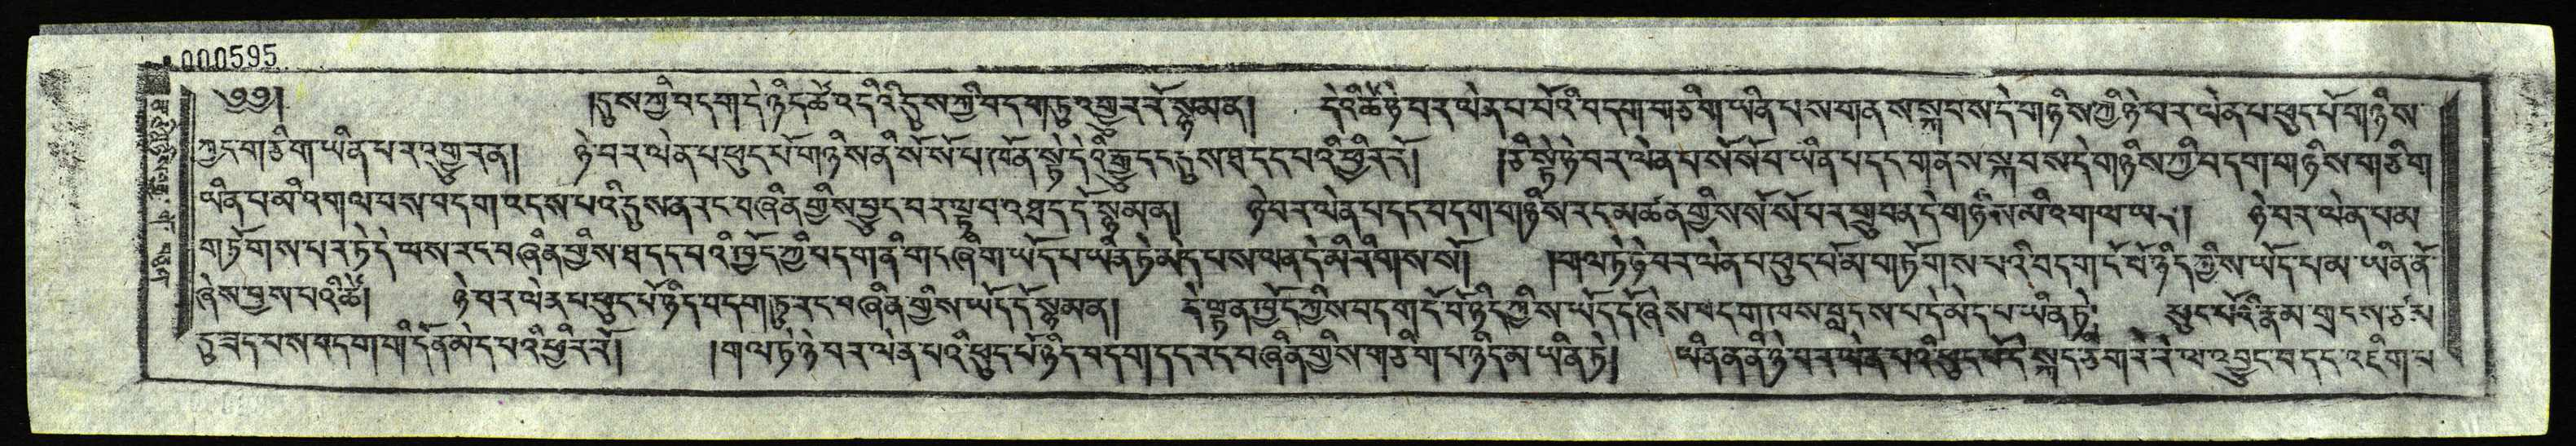༄༅། །དུས་ཀྱི་བདག་དེ་ཉིད་ཚེ་འདིའི་དུས་ཀྱི་བདག་ཏུ་འགྱུར་རོ་སྙམ་ན། དེའི་ཚེ་ཉེ་བར་ལེན་པ་པོའི་བདག་གཅིག་ཡིན་པས་གནས་སྐབས་དེ་གཉིས་ཀྱི་ཉེ་བར་ལེན་པ་ཕུང་པོ་གཉིས་
ཀྱང་གཅིག་ཡིན་པར་འགྱུར་ན། ཉེ་བར་ལེན་པ་ཕུང་པོ་གཉིས་ནི་སོ་སོ་པ་ཁོ་ན་སྟེ་དེའི་རྒྱུ་དང་དུས་ཐ་དད་པའི་ཕྱིར་རོ། །ཅི་སྟེ་ཉེ་བར་ལེན་པ་སོ་སོ་བ་ཡིན་པ་དང་གནས་སྐབས་དེ་གཉིས་ཀྱི་བདག་གཉིས་གཅིག་
ཡིན་པ་མི་འགལ་བས་བདག་འདས་པའི་དུས་ན་རང་བཞིན་གྱིས་བྱུང་བར་ལྟ་བ་འཐད་དོ་སྙམ་ན། ཉེ་བར་ལེན་པ་དང་བདག་གཉིས་རང་མཚན་གྱིས་སོ་སོ་བར་གྲུབ་ན་དེ་གཉིས་མི་འགལ་ཡང་། ཉེ་བར་ལེན་པ་མ་
གཏོགས་པར་ཏེ་དེ་ལས་རང་བཞིན་གྱིས་ཐ་དད་པའི་ཁྱོད་ཀྱི་བདག་ནི་གང་ཞིག་ཡོད་པ་ཡིན་ཏེ་མེད་པས་ལན་དེ་མི་རིགས་སོ། །གལ་ཏེ་ཉེ་བར་ལེན་པ་ཕུང་པོ་མ་གཏོགས་པའི་བདག་ངོ་བོ་ཉིད་ཀྱིས་ཡོད་པ་མ་ཡིན་ནོ་
ཞེས་བྱས་པའི་ཚེ། ཉེ་བར་ལེན་པ་ཕུང་པོ་ཉིད་བདག་ཏུ་རང་བཞིན་གྱིས་ཡོད་དོ་སྙམ་ན། དེ་ལྟ་ན་ཁྱོད་ཀྱིས་བདག་ངོ་བོ་ཉིད་ཀྱིས་ཡོད་དོ་ཞེས་བདག་ཁས་བླངས་པ་དེ་མེད་པ་ཡིན་ཏེ། ཕུང་པོའི་རྣམ་གྲངས་ཙམ་
དུ་ཟད་པས་བདག་གི་དོན་མེད་པའི་ཕྱིར་རོ། །གལ་ཏེ་ཉེ་བར་ལེན་པའི་ཕུང་པོ་ཉིད་བདག་དང་རང་བཞིན་གྱིས་གཅིག་པ་ཉིད་མ་ཡིན་ཏེ། ཡིན་ན་ནི་ཉེ་བར་ལེན་པའི་ཕུང་པོ་དེ་སྐད་ཅིག་རེ་རེ་ལ་འབྱུང་བ་དང་འཇིག་པ་